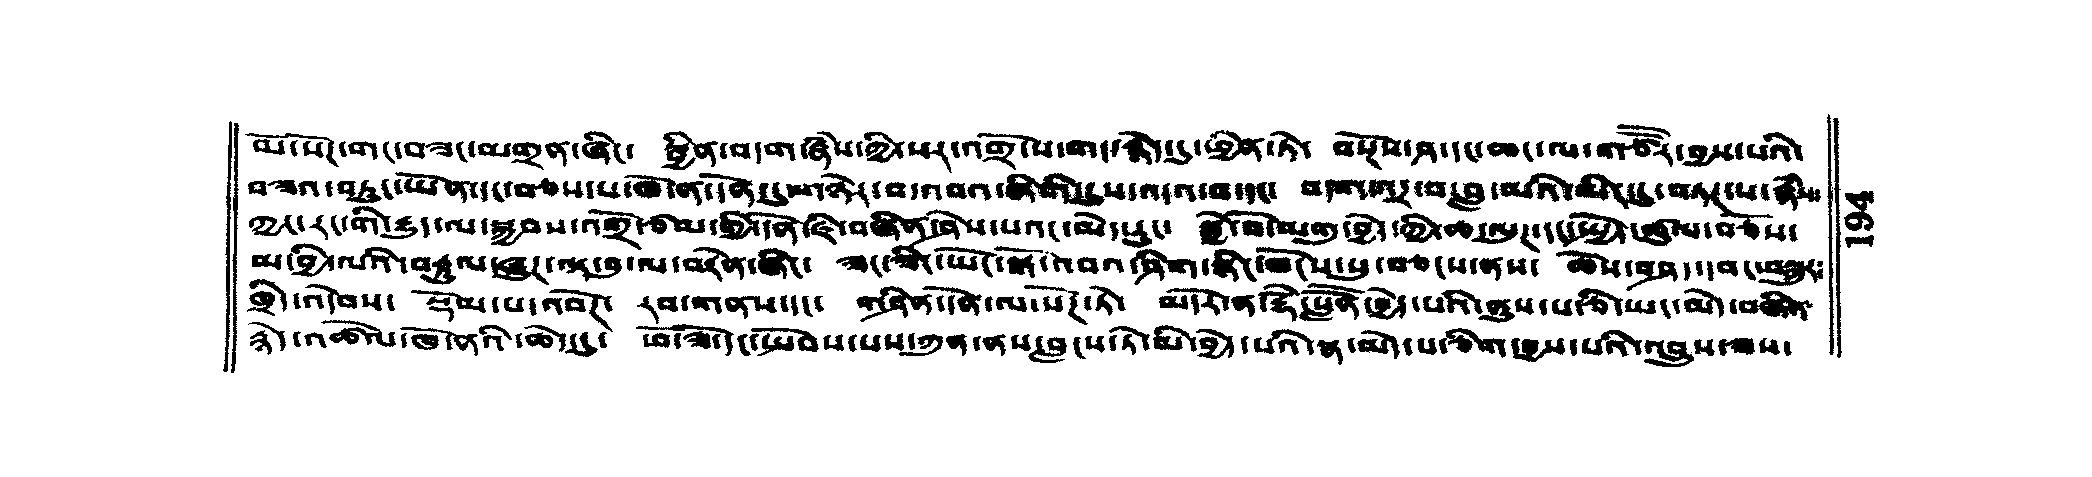མོ་སོགས་གང་བཟངའགྲན་ཞིང་། སྦྱིན་བདག་རྣམས་ཀྱི་སར་འགྲོ་ས་གང་རྙེད་དུ་ཕྱིན་ཏེ།བསྔོས་ཤ་དང་ཆང་ལ་གཙོ་བོར་བྱས་པའི་
བཟའ་བཏུང་ཡོན་དང་བཅས་པ་ཁོ་ན་དོན་དུ་གཉེར་བ་འབའ་ཞིག་གི་དུས་འདའ་བ་དང་། བདག་འདྲ་བ་བླ་མའི་མིང་དུ་བཏགས་པ་རྣམས་
ཀྱང་རང་གི་རྒྱུད་ལ་སྐྱབས་འགྲོ་ཙམ་གྱི་དོན་ཇི་བཞིན་ཤེས་པའང་མེད་རུང་། སྐྱེ་བོ་མགུ་བྱེད་ཀྱི་ཆ་ལུགས་དང་སྤྱོད་ཚུལ་བཅོས་
མ་བྱི་ལའི་བརྟུལ་ཞུགས་ལྟ་བུ་ལ་བརྟེན་ཞིང་། ཟང་ཟིང་ཡོང་སྒོ་འབའ་ཤིག་སྙིང་ཁོངས་སུ་བཅངས་ནས། ཆོས་བཤད། དབང་བསྐུར། 
ཁྲིད་འདེབས། སྡོམ་པ་འབོགས། རབ་གནས་དང་གཤིན་དོན་ལ་སོགས་ཏེ། མདོར་ན་རྡོ་རྗེ་སློབ་དཔོན་བྱེད་པའི་ནུས་པ་ཅི་ཡང་མེད་བཞིན་
རྙེད་འཚོལ་ཁོ་ནའི་ཆེད་དུ། ཕོ་བཟོ་དང་སྤོབས་པས་ཀུན་ནས་བླངས་ཏེ་མི་བྱེད་པའི་སྣ་མེད་པ་གཅིག་བྱས་པའི་འབྲས་བུ་ཟས་